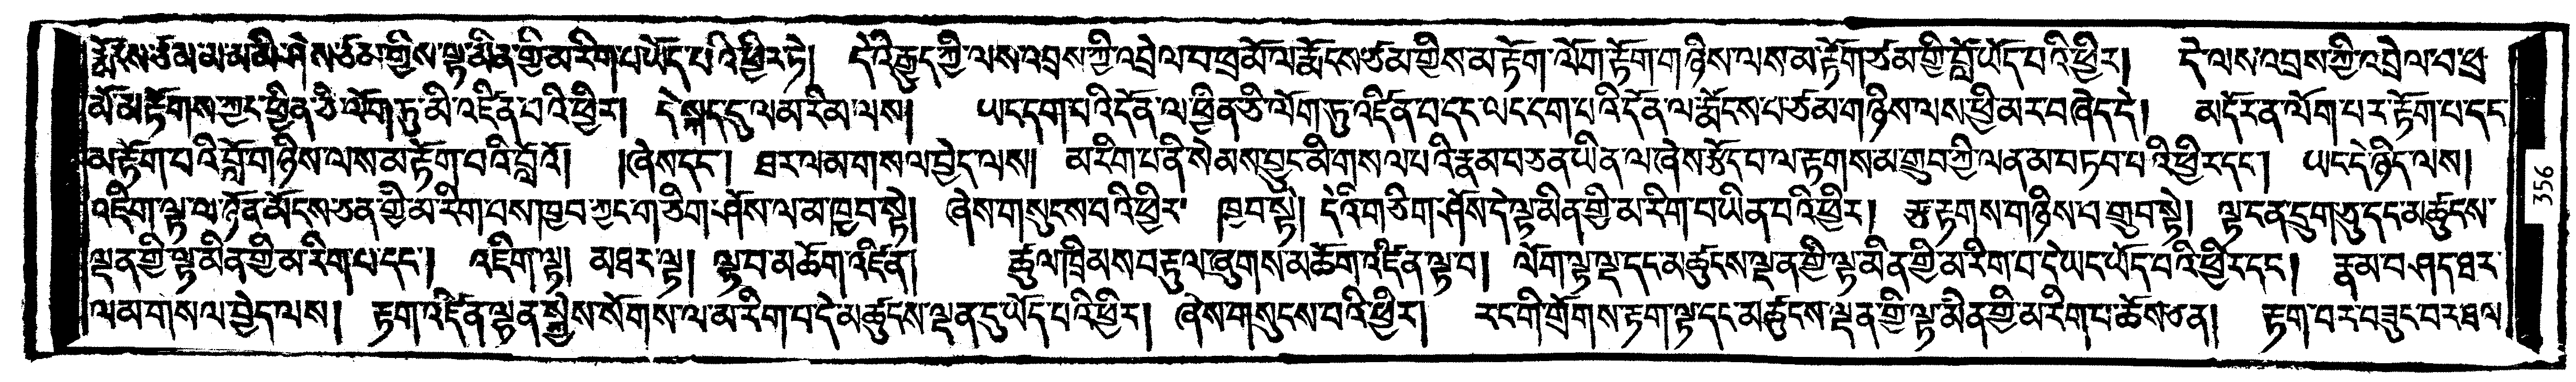རྨོངས་ཙམ་མམ་མི་ཤེས་ཙམ་གྱིས་ལྟ་མིན་གྱི་མ་རིག་པ་ཡོད་པའི་ཕྱིར་ཏེ། དེའི་རྒྱུད་ཀྱི་ལས་འབྲས་ཀྱི་འབྲེལ་བ་ཕྲ་མོ་ལ་རྨོངས་ཙམ་གྱིས་མ་རྟོག་ལོག་རྟོག་གཉིས་ལས་མ་རྟོག་ཙམ་གྱི་བློ་ཡོད་པའི་ཕྱིར། དེ་ལས་འབྲས་ཀྱི་འབྲེལ་བ་ཕྲ་
མོ་མ་རྟོགས་ཀྱང་ཕྱིན་ཅི་ལོག་ཏུ་མི་འཛིན་པའི་ཕྱིར། དེ་སྐད་དུ་ལམ་རིམ་ལས། ཡང་དག་པའི་དོན་ལ་ཕྱིན་ཅི་ལོག་ཏུ་འཛིན་པ་དང་ཡང་དག་པའི་དོན་ལ་རྨོངས་པ་ཙམ་གཉིས་ལས་ཕྱི་མར་བཞེད་དེ། མདོར་ན་ལོག་པར་རྟོག་པ་དང་
མ་རྟོག་པའི་བློ་གཉིས་ལས་མ་རྟོག་པའི་བློའོ། །ཞེས་དང་། ཐར་ལམ་གསལ་བྱེད་ལས། མ་རིག་པ་ནི་སེམས་བྱུང་མི་གསལ་པའི་རྣམ་པ་ཅན་ཡིན་ལ་ཞེས་རྩོད་པ་ལ་རྟགས་མ་གྲུབ་ཀྱི་ལན་མ་བཏབ་པའི་ཕྱིར་དང་། ཡང་དེ་ཉིད་ལས།
འཇིག་ལྟ་ལ་ཉོན་མོངས་ཅན་གྱི་མ་རིག་པས་ཁྱབ་ཀྱང་གཅིག་ཤོས་ལ་མ་ཁྱབ་སྟེ། ཞེས་གསུངས་པའི་ཕྱིར། ཁྱབ་སྟེ། དེའི་གཅིག་ཤོས་དེ་ལྟ་མིན་གྱི་མ་རིག་པ་ཡིན་པའི་ཕྱིར། རྩ་རྟགས་གཉིས་པ་གྲུབ་སྟེ། ལྟ་ངན་དྲུག་ཅུ་དང་མཚུངས་
ལྡན་གྱི་ལྟ་མིན་གྱི་མ་རིག་པ་དང་། འཇིག་ལྟ། མཐར་ལྟ། ལྟ་བ་མཆོག་འཛིན། ཚུལ་ཁྲིམས་བརྟུལ་ཞུགས་མཆོག་འཛིན་ལྟ་བ། ལོག་ལྟ་ལྔ་དང་མཚུངས་ལྡན་གྱི་ལྟ་མིན་གྱི་མ་རིག་པ་དེ་ཡང་ཡོད་པའི་ཕྱིར་དང་། རྣམ་བཤད་ཐར་
ལམ་གསལ་བྱེད་ལས། རྟག་འཛིན་ལྷན་སྐྱེས་སོགས་ལ་མ་རིག་པ་དེ་མཚུངས་ལྡན་དུ་ཡོད་པའི་ཕྱིར། ཞེས་གསུངས་པའི་ཕྱིར། རང་གི་གྲོགས་རྟག་ལྟ་དང་མཚུངས་ལྡན་གྱི་ལྟ་མིན་གྱི་མ་རིག་པ་ཆོས་ཅན། རྟག་བར་བཟུང་བར་ཐལ་